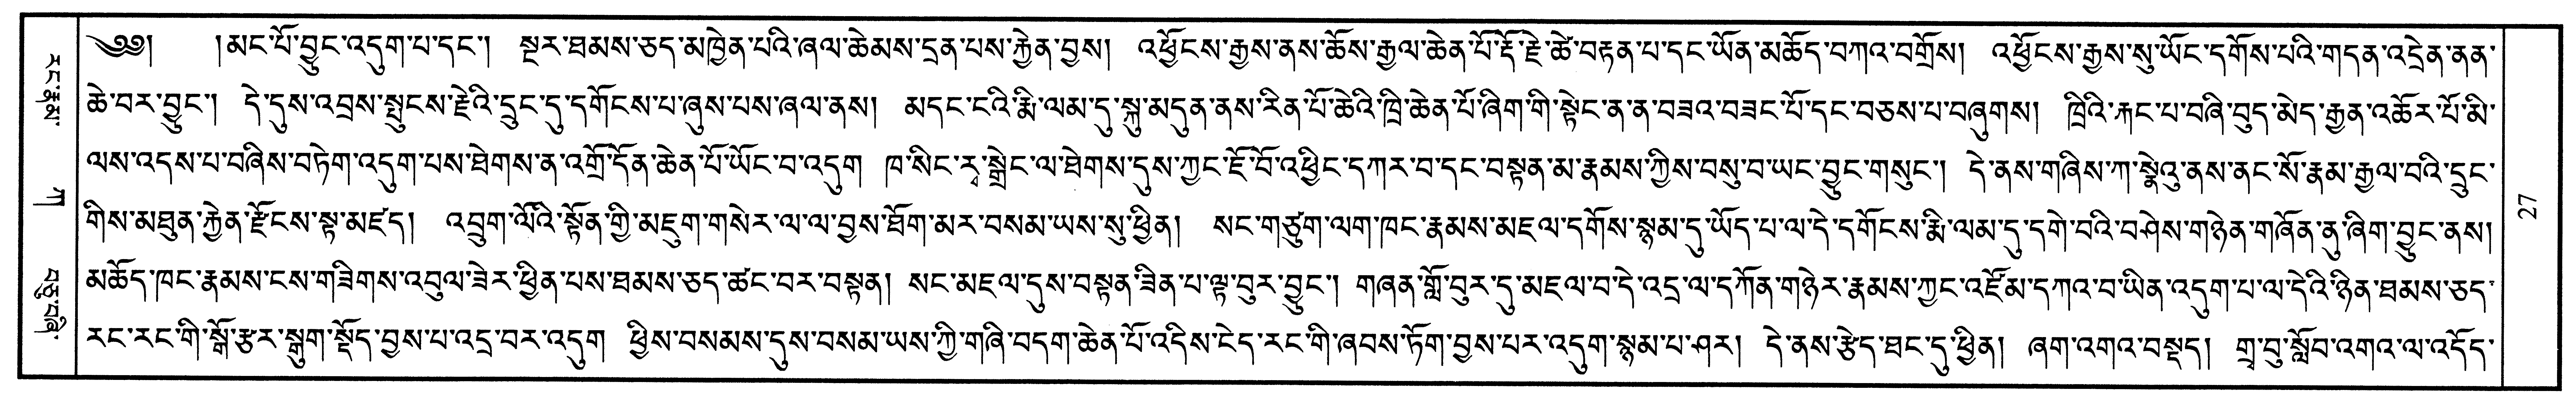༄༅། །མང་པོ་བྱུང་འདུག་པ་དང་། སྔར་ཐམས་ཅད་མཁྱེན་པའི་ཞལ་ཆེམས་དྲན་པས་རྐྱེན་བྱས། འཕྱོངས་རྒྱས་ནས་ཆོས་རྒྱལ་ཆེན་པོ་རྡོ་རྗེ་ཚེ་བརྟན་པ་དང་ཡོན་མཆོད་བཀའ་བགྲོས། འཕྱོངས་རྒྱས་སུ་ཡོང་དགོས་པའི་གདན་འདྲེན་ནན་
ཆེ་བར་བྱུང་། དེ་དུས་འབྲས་སྤུངས་རྗེའི་དྲུང་དུ་དགོངས་པ་ཞུས་པ་ཞལ་ནས། མདང་ངའི་རྨི་ལམ་དུ་སྐུ་མདུན་ནས་རིན་པོ་ཆེའི་ཁྲི་ཆེན་པོ་ཞིག་གི་སྟེང་ན་ན་བཟའ་བཟང་པོ་དང་བཅས་པ་བཞུགས། ཁྲིའི་རྐང་པ་བཞི་བུད་མེད་རྒྱན་འཆོར་པོ་མི་
ལས་འདས་པ་བཞིས་བཏེག་འདུག་པས་ཐེགས་ན་འགྲོ་དོན་ཆེན་པོ་ཡོང་བ་འདུག །ཁ་སིང་རྭ་སྒྲེང་ལ་ཐེགས་དུས་ཀྱང་ཇོ་བོ་འཕྱིང་དཀར་བ་དང་བསྟན་མ་རྣམས་ཀྱིས་བསུ་བ་ཡང་བྱུང་གསུངས། དེ་ནས་གཞིས་ཀ་སྣེའུ་ནས་ནང་སོ་རྣམ་རྒྱལ་བའི་དྲུང་
གིས་མཐུན་རྐྱེན་རྫོངས་སྟ་མཛད། འབྲུག་ལོའི་སྟོན་གྱི་མཇུག་གསེར་ལ་ལ་བྱས་ཐོག་མར་བསམ་ཡས་སུ་ཕྱིན། སང་གཙུག་ལག་ཁང་རྣམས་མཇལ་དགོས་སྙམ་དུ་ཡོད་པ་ལ་དེ་དགོངས་རྨི་ལམ་དུ་དགེ་བའི་བཤེས་གཉེན་གཞོན་ནུ་ཞིག་བྱུང་ནས།
མཆོད་ཁང་རྣམས་ངས་གཟིགས་འབུལ་ཟེར་ཕྱིན་པས་ཐམས་ཅད་ཚང་བར་བསྟན། སང་མཇལ་དུས་བསྟན་ཟིན་པ་ལྟ་བུར་བྱུང་། གཞན་གློ་བུར་དུ་མཇལ་བ་དེ་འདྲ་ལ་དཀོན་གཉེར་རྣམས་ཀྱང་འཛོམ་དཀའ་བ་ཡིན་འདུག་པ་ལ་དེའི་ཉིན་ཐམས་ཅད་
རང་རང་གི་སྒོ་རྩར་སྒུག་སྡོད་བྱས་པ་འདྲ་བར་འདུག། ཕྱིས་བསམས་དུས་བསམ་ཡས་ཀྱི་གཞི་བདག་ཆེན་པོ་འདིས་ངེད་རང་གི་ཞབས་ཏོག་བྱས་པར་འདུག་སྙམ་པ་ཤར། དེ་ནས་རྩེད་ཐང་དུ་ཕྱིན། ཞག་འགའ་བསྡད། གྲྭ་བུ་སློབ་འགའ་ལ་འདོད་